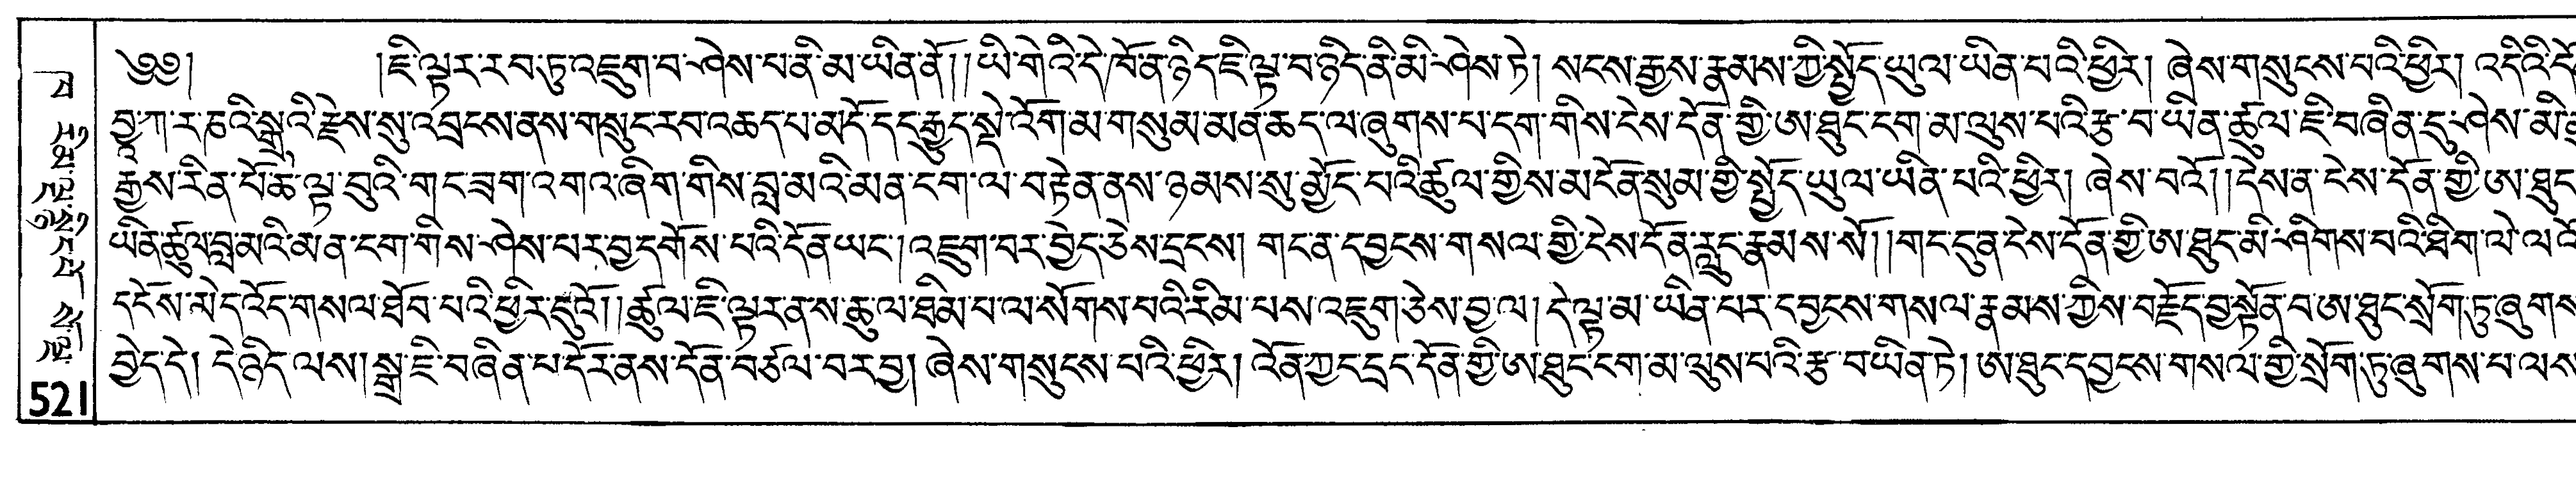༄༅། །ཇི་ལྟར་རབ་ཏུ་འཇུག་བ་ཤེས་པ་ནི་མ་ཡིན་ནོ། །ཡི་གེའི་དེ་ཁོ་ན་ཉིད་ཇི་ལྟ་བ་ཉིད་ནི་མི་ཤེས་ཏེ། སངས་རྒྱས་རྣམས་ཀྱི་སྤྱོད་ཡུལ་ཡིན་པའི་ཕྱིར། ཞེས་གསུངས་པའི་ཕྱིར། འདིའི་དོན་ནི། ཤེས་བྱ་ཆོས་ཅན་
བྱཱ་ཀ་ར་ཎའི་སྒྲའི་རྗེས་སུ་འབྲངས་ནས་གསུང་རབ་འཆད་པ་མདོ་དང་རྒྱུ་སྡེ་འོག་མ་གསུམ་མན་ཆད་ལ་ཞུགས་པ་དག་གིས་ངེས་དོན་གྱི་ཨ་ཐུང་དག་མ་ལུས་པའི་རྩ་བ་ཡིན་ཚུལ་ཇི་བཞིན་དུ་ཤེས་མི་ནུས་ཏེ། དེ་ནི་སངས་
རྒྱས་རིན་པོ་ཆེ་ལྟ་བུའི་གང་ཟག་འགའ་ཞིག་གིས་བླ་མའི་མན་ངག་ལ་བརྟེན་ནས་ཉམས་སུ་མྱོང་པའི་ཚུལ་གྱིས་མངོན་སུམ་གྱི་སྤྱོད་ཡུལ་ཡིན་པའི་ཕྱིར། ཞེས་བའོ། །དེས་ན་ངེས་དོན་གྱི་ཨ་ཐུང་ངག་མ་ལུས་པའི་རྩ་བ་
ཡིན་ཚུལ་བླ་མའི་མན་ངག་གིས་ཤེས་པར་བྱ་དགོས་པའི་དོན་ཡང་། འཇུག་བར་བྱེད་ཅེས་དྲངས། གང་ན་དབྱངས་གསལ་གྱི་ངེས་དོན་རླུང་རྣམས་སོ། །གང་དུ་ན་ངེས་དོན་གྱི་ཨ་ཐུང་མི་ཤིགས་པའི་ཐིག་ལེ་ལའོ། །དགོས་པ་ཅིའི་ཕྱིར་ན་
དངོས་མེད་འོད་གསལ་ཐོབ་པའི་ཕྱིར་དུའོ། །ཚུལ་ཇི་ལྟར་ན་ས་ཆུ་ལ་ཐིམ་པ་ལ་སོགས་པའི་རིམ་པས་འཇུག་ཅེས་བྱ་ལ། དེ་ལྟ་མ་ཡིན་པར་དབྱངས་གསལ་རྣམས་ཀྱིས་བརྗོད་བྱ་སྟོན་བ་ཨ་ཐུང་སྲོག་ཏུ་ཞུགས་པ་ལ་ལྟོས་བ་ཙམ་ལ་མི་
བྱེད་དེ། དེ་ཉིད་ལས། སྒྲ་ཇི་བཞིན་པ་དོར་ནས་དོན་བཙལ་བར་བྱ། ཞེས་གསུངས་པའི་ཕྱིར། འོན་ཀྱང་དྲང་དོན་གྱི་ཨ་ཐུང་ངག་མ་ལུས་པའི་རྩ་བ་ཡིན་ཏེ། ཨ་ཐུང་དབྱངས་གསལ་གྱི་སྲོག་ཏུ་ཞུགས་པ་ལས། དང་པོར་མིང་། དེ་ལས་